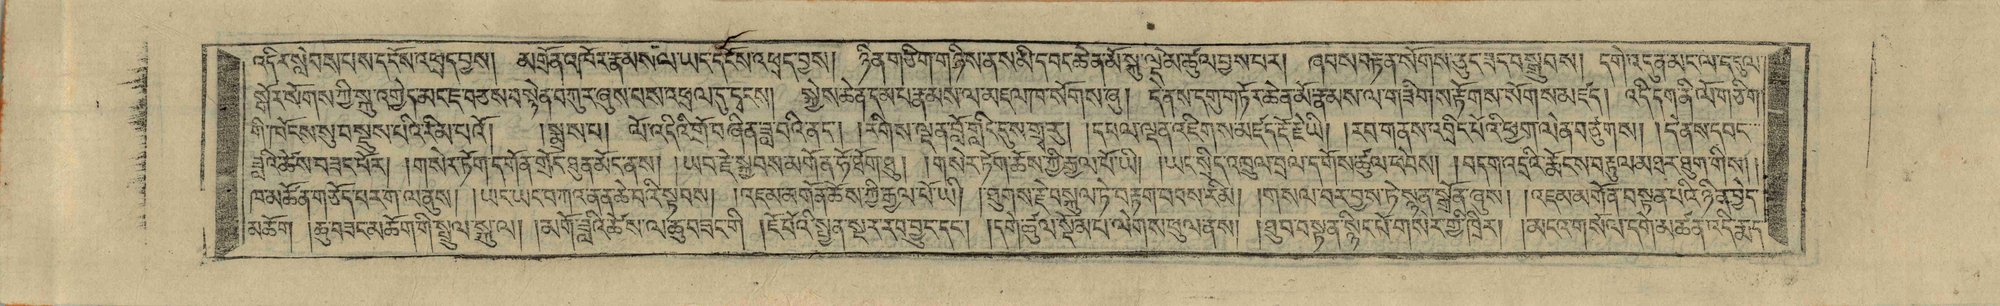འདིར་སླེབས་པས་དངོས་འཕྲད་བྱས། མགྲོན་འཁོར་རྣམས་ལ་ཡང་དངོས་འཕྲད་བྱས། ཉིན་གཅིག་གཉིས་ནས་མི་དབང་ཆེན་མོ་སྐུ་ལྡེམ་ཚུལ་བྱས་པར། ཞབས་བརྟན་སོགས་ཅུང་ཟད་བསྒྲུབས། དགེ་འདུན་མང་ལ་དངུལ་
སྒོར་སོགས་ཀྱི་སྐུ་འགྱེད་མང་ཇ་བཅས་བསྙེན་བཀུར་ཞུས་པས་འཕྲལ་དུ་དྭངས། སྐྱེས་ཆེན་དམ་པ་རྣམས་ལ་མཇལ་ཁ་སོགས་ཞུ། དེ་ནས་དགུ་གཏོར་ཆེན་མོ་རྣམས་ལ་གཟིགས་རྟོགས་སོགས་མཛད། འདི་དག་ནི་ལོ་གཅིག་
གི་ཁོངས་སུ་བསྡུས་པའི་རིམ་པའོ། །སྨྲས་པ། ལོ་འདིའི་གྲོ་བཞིན་ཟླ་བའི་ནང་། །རིགས་ལྡན་བློ་གླིང་དུས་གྲྭ་རུ། །དཔལ་ལྡན་འཇིགས་མཛད་རྡོ་རྗེ་ཡི། །རབ་གནས་འབྲིང་པོའི་ཕྱག་ལེན་བཙུགས། །དེ་ནས་དབང་
ཟླའི་ཚེས་བཟང་པོར། །གསེར་ཏོག་དགོན་གྲོང་ཐུན་མོང་ནས། །ཡབ་རྗེ་སྐྱབས་མགོན་ཧོ་ཐོག་ཐུ། །གསེར་ཏོག་ཆོས་ཀྱི་རྒྱལ་པོ་ཡི། །ཡང་སྲིད་འཁྲུལ་བྲལ་དགོས་ཚུལ་ཕེབས། །བདག་འདྲའི་རྨོངས་བརྟུལ་མཐར་ཐུག་གིས། །
ཁ་མཚོན་གཅོད་པར་ག་ལ་ནུས། །ཡང་ཡང་བཀའ་ནན་ཆེ་བའི་སྟབས། །འཇམ་མགོན་ཆོས་ཀྱི་རྒྱལ་པོ་ཡི། །ཐུགས་རྗེ་བསྐུལ་ཏེ་བརྟག་བབས་རིམ། །གསལ་བར་བྱས་ཏེ་སྙན་སྒྲོན་ཞུས། །འཇམ་མགོན་བསྟན་པའི་ཉིན་བྱེད་
མཆོག །ཆུ་བཟང་མཆོག་གི་སྤྲུལ་སྐུ་ལ། །མགོ་ཟླའི་ཚེས་ལ་ཆུ་བཟང་གི །ཇོ་བོའི་སྤྱན་སྔར་རབ་བྱུང་དང་། །དགེ་ཚུལ་སྡོམ་པ་ལེགས་ཕུལ་ནས། །ཐུབ་བསྟན་སྙིང་པོ་གསེར་གྱི་ཁྲིར། །མངའ་གསོལ་དགེ་མཚན་འདི་རྨད་